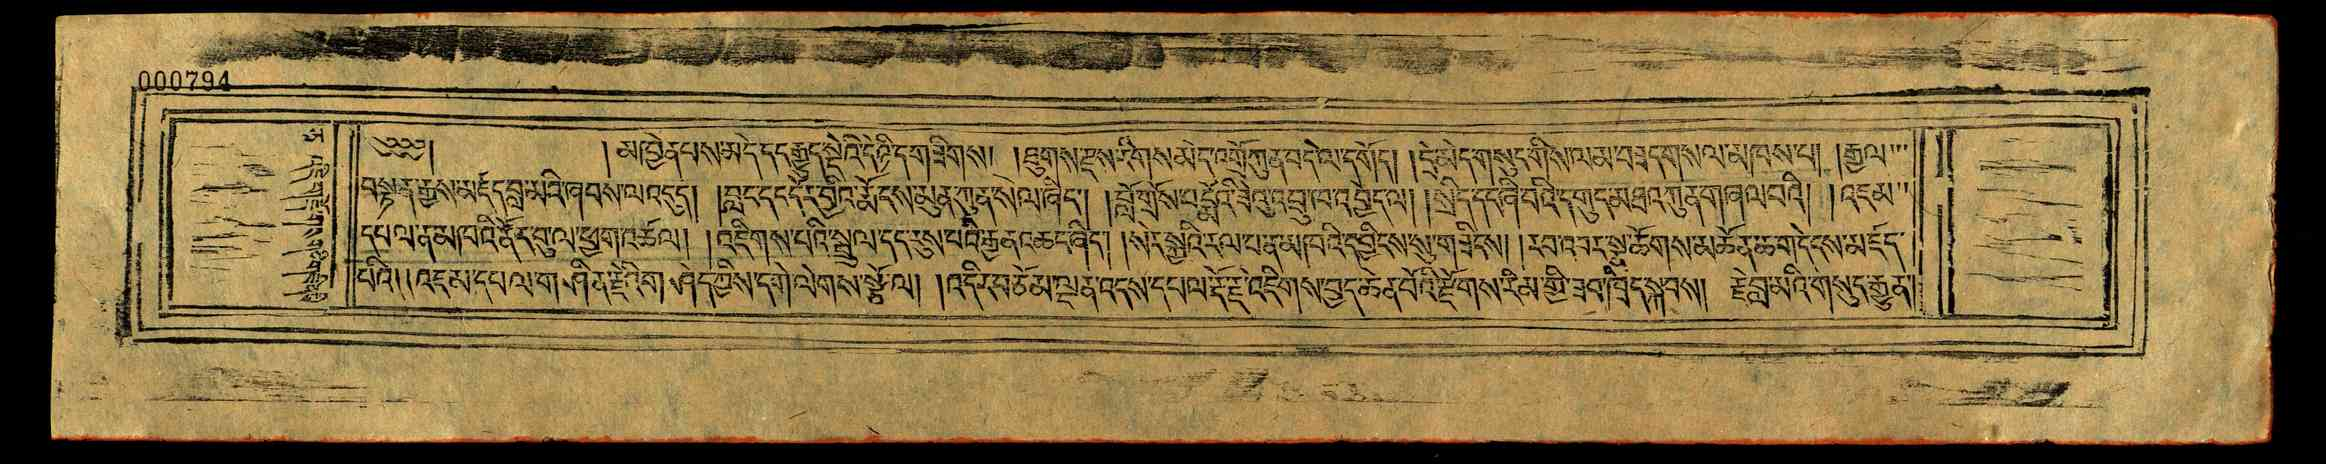༄༅༅། །མཁྱེན་པས་མདོ་དང་རྒྱུད་སྡེའི་དེ་ཉིད་གཟིགས། །ཐུགས་རྗེས་རིགས་མེད་འགྲོ་ཀུན་བདེ་ལ་དགོད། །དྲི་མེད་གསུང་གིས་ལམ་བཟང་གསལ་མཁས་པ། །རྒྱལ་
བསྟན་རྒྱས་མཛད་བླ་མའི་ཞབས་ལ་འདུད། །བླང་དང་དོར་བྱའི་རྨོངས་མུན་ཀུན་སེལ་ཞིང་། །བློ་གྲོས་པདམོའི་ཟེའུ་འབྲུ་ཁ་འབྱེད་ལ། །སྲིད་དང་ཞི་བའི་དགུང་མཐའ་ཀུན་གཞལ་བའི། །འཇམ་
དཔལ་ནམ་མཁའི་ནོར་བུ་ལ་ཕྱག་འཚལ། །འཇིགས་པའི་སྦྲུལ་དང་རུས་པའི་རྒྱན་འཆང་ཞིང་། །སེར་སྐྱའི་རལ་པ་ནམ་མཁའི་དབྱིངས་སུ་གཟིངས། །རབ་འབར་སྣ་ཚོགས་མཚོན་ཆ་གདེངས་མཛད་
པའི༑ ༑འཇམ་དཔལ་གཤིན་རྗེའི་གཤེད་ཀྱིས་དགེ་ལེགས་སྩོལ། །འདིར་བཅོམ་ལྡན་འདས་དཔལ་རྡོ་རྗེ་འཇིགས་བྱེད་ཆེན་པོའི་རྫོགས་རིམ་གྱི་ཟབ་ཁྲིད་སྐབས། རྗེ་བླ་མའི་གསུང་རྒྱུན་